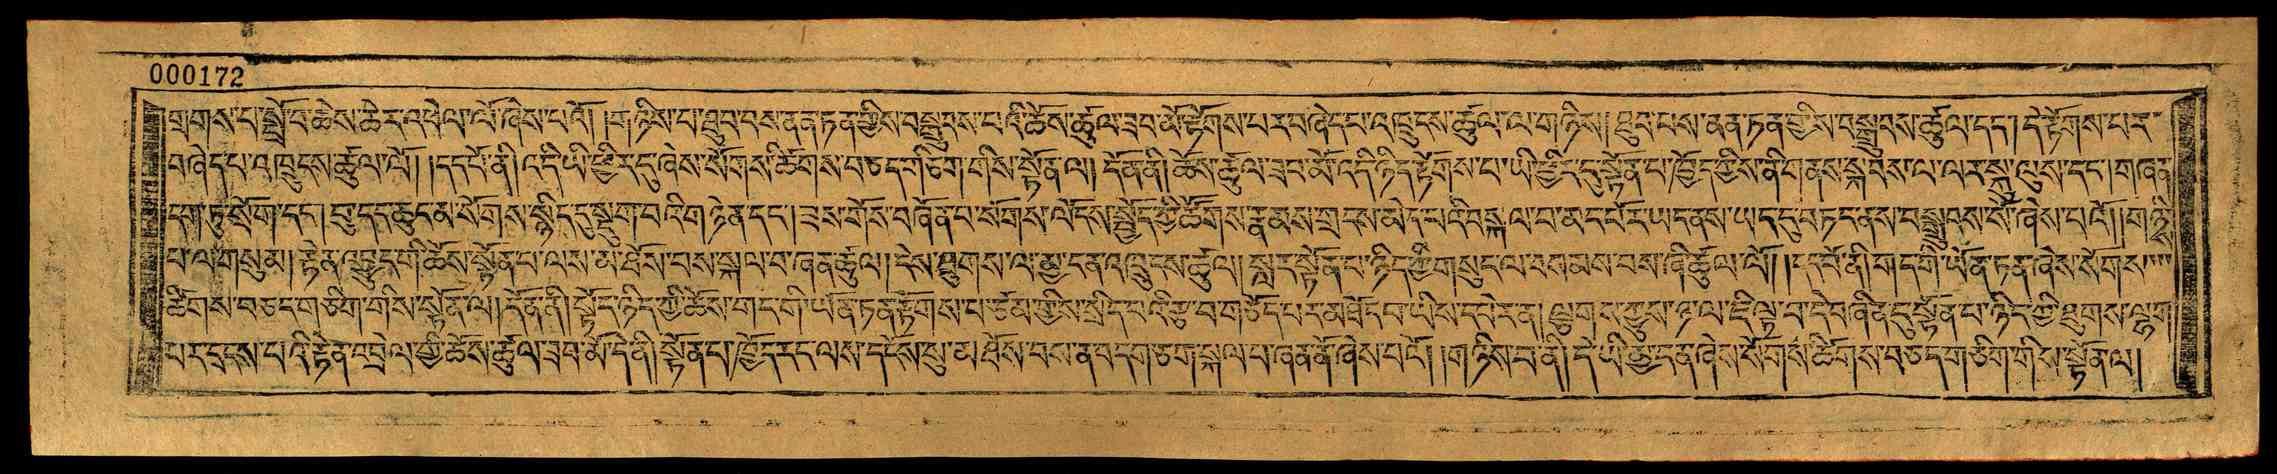གྲགས་པ་སྤྲོ་བ་ཆེས་ཆེར་འཕེལ་ལོ་ཞེས་པའོ། །གཉིས་པ་ཐུབ་པས་ནན་ཏན་གྱིས་བསྒྲུབས་པའི་ཆོས་ཚུལ་ཟབ་མོ་རྟོགས་པར་བཞེད་ལ་འཁྲུངས་ཚུལ་ལ་གཉིས། ཐུབ་པས་ནན་ཏན་གྱིས་བསྒྲུབས་ཚུལ་དང་། དེ་རྟོགས་པར་
བཞེད་པ་འཁྲུངས་ཚུལ་ལོ། །དང་པོ་ནི། འདི་ཡི་ཕྱིར་དུ་ཞེས་སོགས་ཚིགས་བཅད་གཅིག་གིས་སྟོན་ལ། དོན་ནི། ཆོས་ཚུལ་ཟབ་མོ་འདི་ཉིད་རྟོགས་པ་ཡི་ཕྱིར་དུ་སྟོན་པ་ཁྱོད་ཀྱིས་ནི་གནས་སྐབས་ལ་ལར་སྐུ་ལུས་དང་ལ། ཞན་
དག་ཏུ་སྲོག་དང་། བུ་དང་ཆུང་མ་སོགས་སྙིང་དུ་སྡུག་པའི་གཉེན་དང་། ཟས་གོས་བཞོན་པ་སོགས་ལོངས་སྤྱོད་ཀྱི་ཚོགས་རྣམས་གྲངས་མེད་པའི་བསྐལ་པ་མང་པོར་ཡང་ནས་ཡང་དུ་བཏང་ནས་བསྒྲུབས་སོ་ཞེས་པའོ། །གཉིས་
པ་ལ་གསུམ། རྟེན་འབྱུང་གི་ཆོས་སྟོན་པ་ལས་མ་ཐོས་པས་སྐལ་བ་ཞན་ཚུལ། དེས་ཐུགས་ལ་མྱ་ངན་འཁྲུངས་ཚུལ། སླར་སྟོན་པ་ཉིད་ཀྱི་གསུང་ལ་བསམས་པས་ཞི་ཚུལ་ལོ། །དང་པོ་ནི། གང་གི་ཡོན་ཏན་ཞེས་སོགས་
ཚིགས་བཅད་གཅིག་གིས་སྟོན་ལ། དོན་ནི། སྟོང་ཉིད་ཀྱི་ཆོས་གང་གི་ཡོན་ཏན་རྟོགས་པ་ཙམ་གྱིས་སྲིད་པའི་རྩ་བ་གཅོད་པར་མཐོང་བ་ཡིས་དཔེར་ན། ལྕགས་ཀྱུས་ཉ་ལ་ཇི་ལྟ་བ་དེ་བཞིན་དུ་སྟོན་པ་ཉིད་ཀྱི་ཐུགས་ལྷག་
པར་དྲངས་པའི་རྟེན་འབྲེལ་གྱི་ཆོས་ཚུལ་ཟབ་མོ་དེ་ནི། སྟོན་པ་ཁྱོད་རང་ལས་དངོས་སུ་མ་ཐོས་པས་ན་བདག་ཅག་སྐལ་བ་ཞན་ནོ་ཞེས་པའོ། །གཉིས་པ་ནི། དེ་ཡི་མྱ་ངན་ཞེས་སོགས་ཚིགས་བཅད་གཅིག་གིས་སྟོན་ལ།